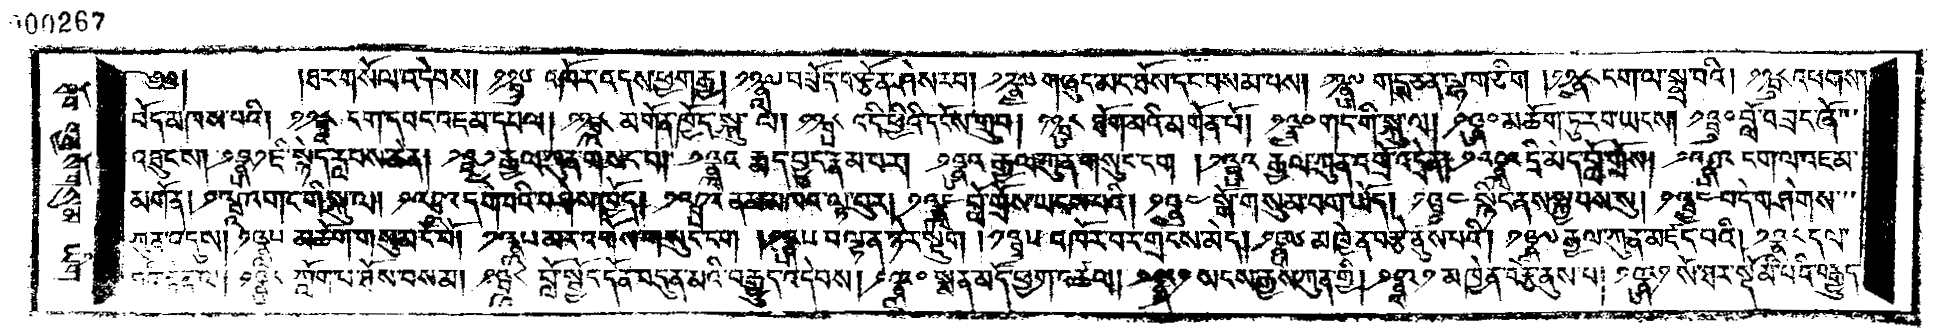༄༅། །ཐར་གསོལ་འདེབས། ༡༡༦བ༡་འཁོར་འདས་ཕྱག་རྒྱ། ༡༡༧ན༢་བཟོད་བརྩོན་ཤེས་རབ། ༡༡༧ན༤་གཞུང་མང་ཐོས་དང་བསམ་པས། ༡༡༧ན༥་གངས་ཅན་ལྷ་གཅིག །༡༡༨ན༤་ངག་ལ་སྨྲ་བའི། ༡༡༨བ༡་འཕགས་
བོད་མཁས་པའི། ༡༡༨བ༢་ངག་དབང་འཇམ་དཔལ། ༡༡༨བ༣་མགོན་ཁྱོད་སྐུ་ལ། ༡༡༨བ༥་འདི་ཕྱིའི་དངོས་གྲུབ། ༡༡༨བ༦་ཐོག་མའི་མགོན་པོ། ༡༧༠ན༤་གང་གི་སྐུ་ལ། ༡༢༠ན༦་མཆོག་ཏུ་རབ་ཡངས། ༡༢༠བ༡་བློ་བཟང་ཞོ་
འཐུངས། ༡༢༡ན༥་ཇི་སྙེད་རླབས་ཆེན། ༡༢༡བ༤་རྒྱལ་ཀུན་གསང་བ། ༡༢༢ན༣་རྨད་བྱུང་རྣམ་པར། ༡༢༢ན༦་རྒྱལ་ཀུན་གསུང་ངག །༡༢༢བ༥་རྒྱལ་ཀུན་འགྲོ་འདྲེན། ༡༢༣ན༣་དྲི་མེད་བློ་གྲོས། ༡༢༣ན༥་ངག་ལ་འཇམ་
མགོན། ༡༢༣བ༢་གང་གི་སྐུ་ལ། ༡༢༣བ༢་དགེ་བའི་བཤེས་ཁྱོད། ༡༢༣བ༥་ནམ་མཁའ་ལྟ་བུར། ༡༢༤ན༣་བློ་གྲོས་ཡངས་པའི། ༡༢༤ན༤་སྒོ་གསུམ་བག་ཡོད། ༡༢༤བ༡་སྙིང་ནས་སྐྱབས་སུ། ༡༢༤བ༤་བདེ་གཤེགས་
ཀུན་འདུས། ༡༢༥ན༢་མཆོག་གསུམ་ངོ་བོ། ༡༢༥ན༣་མར་འགོས་གསུང་ངག །༡༢༥ན༥་བལྟན་ཉེར་སྡུག །༡༢༥བ༡་འཁོར་བར་གྲངས་མེད། ༡༢༦ན༥་མཁྱེན་བརྩེ་ནུས་པའི། ༡༢༦ན༢་རྒྱལ་ཀུན་མཛད་པའི། ༡༢༨ན༢་དལ་
བའི་རྟེན་ལ། ༡༢༨ན༥་ཀློག་པ་ཐོས་བསམ། ༡༢༨བ༣་བློ་སྦྱོང་དོན་བདུན་མའི་བརྒྱུད་འདེབས། ༡༣༠ན༢་སྨན་མདོ་ཕྱག་འཚལ། ༡༣༡ན༡་སངས་རྒྱས་ཀུན་གྱི། ༡༣༡ན༢་མཁྱེན་བརྩེ་ནུས་པ། ༡༣༡ན༦་སོ་ཐར་སྡོམ་པའི་བརྒྱུད་